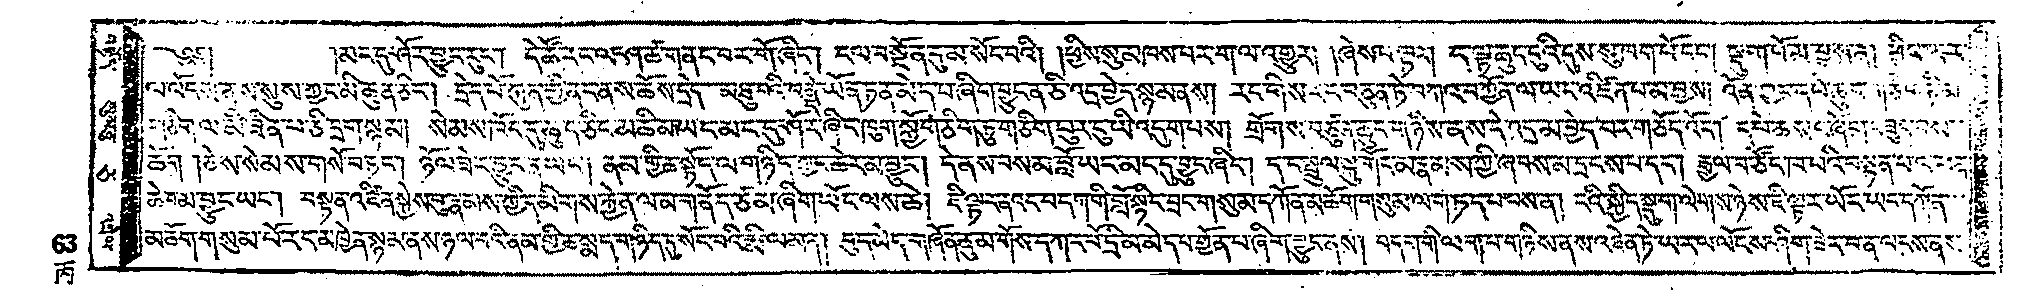༄༅། །མང་དུ་ཤོར་བྱུང་རུང་། དེ་ཚེ་རང་ལ་ཤ་ཚ་གནང་བར་གོ་ཞིང་། ངལ་བ་སྔོན་དུ་མ་སོང་བའི། །ཕྱིས་སུ་མཁས་པར་གལ་འགྱུར། །ཞེས་པ་ལྟར། ད་ལྟ་ཆུང་ངུའི་དུས་སུ་ཁག་པོ་དང་། སྡུག་པོ་མ་བྱས་ན། ཕྱིས་ཡར་
ལ་ལོངས་ནས་སུས་ཀྱང་མི་ཆུན་ཅིང་། དྲེད་པོ་ཀུན་གྱི་ནང་ནས་ཆོས་དྲེད་མཐུ་བའི་བནྡེ་ཡོན་ཏན་མེད་པ་ཞིག་བྱུང་ན་ཅི་འདྲ་བྱེད་སྙམ་ནས། རང་གིས་རང་བཅུན་ཏེ་བཀའ་བཀྱོན་ལ་ཡང་འཛིན་པ་མ་བྱས། འོན་ཀྱང་དཔེ་ཆུང་གཅིག་ཉི་མ་
གཅིག་ལ་མི་ཟིན་པ་ཅི་དྲག་སྙམ། སེམས་ཁོང་དུ་ཆུད་ཅིང་མཆི་མ་ཡང་མང་དུ་ཤོར་ཞིང་ཁུག་སྐྱོག་ཅིག་ཏུ་གཅིག་པུར་ངུ་ཡི་འདུག་པས། གྲོགས་བཙུན་ཆུང་གཉིས་ནས་དེ་འདྲ་མ་བྱེད་པར་གཅོད་འོང་། དཔེ་ཆ་སང་ཞོག་བཟུང་བས་
ཆོག །ཅེས་སེམས་གསོ་བཏང་། ཉོལ་ཟེར་བྱུང་ན་ཡང་། ནམ་གྱི་ཆ་སྟོད་ལ་གཉིད་ཀྱང་ཆེར་མ་བྱུང་། དེ་ནས་བསམ་བློ་ཡང་མང་དུ་བྱུང་ཞིང་། ད་ང་སྤྲུལ་སྐུ་གོང་མ་རྣམས་ཀྱི་ཞབས་མ་དྲངས་པ་དང་། རྒྱལ་བ་ཙོང་ཁ་པའི་བསྟན་པ་ལ་ཕན་
ཆེ་བ་མ་བྱུང་ཡང་། བསྟན་འཛིན་སྐྱེས་བུ་རྣམས་ཀྱི་དམིགས་རྐྱེན་ལ་མ་གནོད་ཙམ་ཞིག་ཡོང་ལས་ཆེ། ཇི་ལྟར་ནའང་བདག་གི་བློ་སྙིང་བྲང་གསུམ་དཀོན་མཆོག་གསུམ་ལ་གཏད་པ་བས་ན། ངའི་སྐྱིད་སྡུག་ལེགས་ཉེས་ཇི་ལྟར་ཡོང་ཡང་དཀོན་
མཆོག་གསུམ་པོ་རང་མཁྱེན་སྙམ་ནས་ཉལ་བའི་ནམ་གྱི་ཆ་སྨད་གཉིད་དུ་སོང་བའི་རྨི་ལམ་ན། བུད་མེད་གཞོན་ནུ་མ་གོས་དཀར་པོ་དྲི་མ་མེད་པ་གྱོན་པ་ཞིག་བྱུང་ནས། བདག་གི་ལག་པ་གཉིས་ནས་འཐེན་ཏེ་ཡར་ལ་ལོངས་ཤིག་ཟེར་བ་ན་ལངས་ནས་